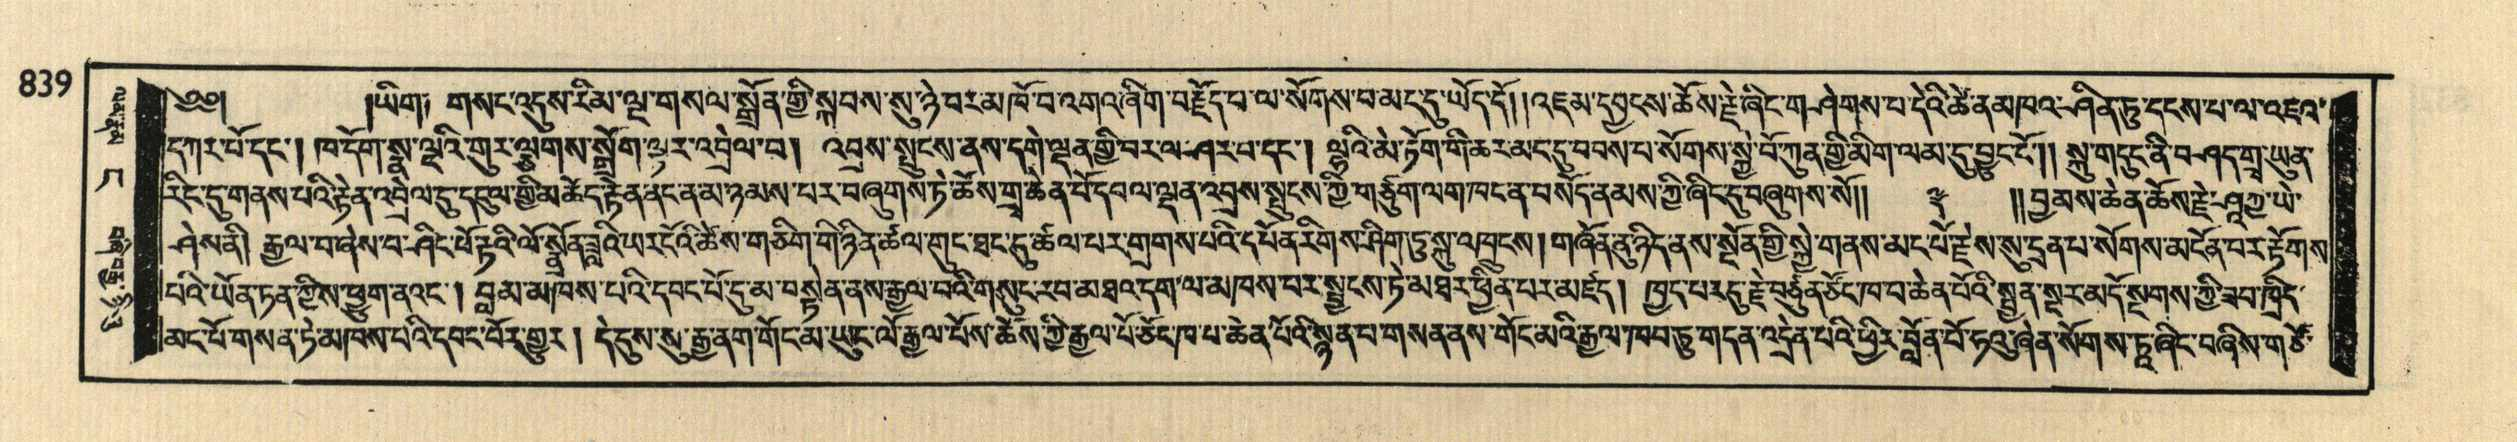༄༅། །ཡིག༑ གསང་འདུས་རིམ་ལྔ་གསལ་སྒྲོན་གྱི་སྐབས་སུ་ཉེ་བར་མཁོ་བ་འགའ་ཞིག་བརྗོད་པ་ལ་སོགས་པ་མང་དུ་ཡོད་དོ། །འཇམ་དབྱངས་ཆོས་རྗེ་ཞིང་གཤེགས་པ་དེའི་ཚེ་ན་མཁའ་ཤིན་ཏུ་དངས་པ་ལ་འཇའ་
དཀར་པོ་དང་། ཁ་དོག་སྣ་ལྔའི་གུར་ལྕགས་སྒྲོག་ལྟར་འབྲེལ་བ། འབྲས་སྤུངས་ནས་དགེ་ལྡན་གྱི་བར་ལ་ཤར་པ་དང་། ལྷའི་མེ་ཏོག་གི་ཆར་མང་དུ་བབས་པ་སོགས་སྐྱེ་བོ་ཀུན་གྱི་མིག་ལམ་དུ་བྱུང་ངོ། །སྐུ་གདུང་ནི་བཤད་གྲྭ་ཡུན་
རིང་དུ་གནས་པའི་རྟེན་འབྲེལ་དུ་དངུལ་གྱི་མཆོད་རྟེན་ནང་ན་མ་ཉམས་པར་བཞུགས་ཏེ་ཆོས་གྲྭ་ཆེན་པོ་དཔལ་ལྡན་འབྲས་སྤུངས་ཀྱི་གཙུག་ལག་ཁང་ན་བསོད་ནམས་ཀྱི་ཞིང་དུ་བཞུགས་སོ།། ༈ །།བྱམས་ཆེན་ཆོས་རྗེ་ཤཱཀྱ་ཡེ་
ཤེས་ནི། རྒྱལ་བ་ཞེས་པ་ཤིང་ཕོ་རྟའི་ལོ་སྣྲོན་ཟླའི་ཡར་ངོའི་ཚེས་གཅིག་གི་ཉིན་ཚལ་གུང་ཐང་དུ་ཚལ་པར་གྲགས་པའི་དཔོན་རིགས་ཤིག་ཏུ་སྐུ་འཁྲུངས། གཞོན་ནུ་ཉིད་ནས་སྔོན་གྱི་སྐྱེ་གནས་མང་པོ་རྗེས་སུ་དྲན་པ་སོགས་མངོན་པར་རྟོགས་
པའི་ཡོན་ཏན་ཀྱིས་ཕྱུག་ནའང་། བླ་མ་མཁས་པའི་དབང་པོ་དུ་མ་བསྟེན་ནས་རྒྱལ་བའི་གསུང་རབ་མཐའ་དག་ལ་མཁས་པར་སྦྱངས་ཏེ་མཐར་ཕྱིན་པར་མཛད། ཁྱད་པར་དུ་རྗེ་བཙུན་ཙོང་ཁ་པ་ཆེན་པོའི་སྤྱན་སྔར་མདོ་སྔགས་ཀྱི་ཟབ་ཁྲིད་
མང་པོ་གསན་ཏེ་མཁས་པའི་དབང་བོར་གྱུར། དེ་དུས་སུ་རྒྱ་ནག་གོང་མ་ཡུང་ལོ་རྒྱལ་པོས་ཆོས་ཀྱི་རྒྱལ་པོ་ཙོང་ཁ་པ་ཆེན་པོའི་སྙན་པ་གསན་ནས་གོང་མའི་རྒྱལ་ཁབ་ཏུ་གདན་འདྲེན་པའི་ཕྱིར་བློན་པོ་ཧའུ་ཞེན་སོགས་ཏཱ་ཞིང་བཞིས་གཙོ་